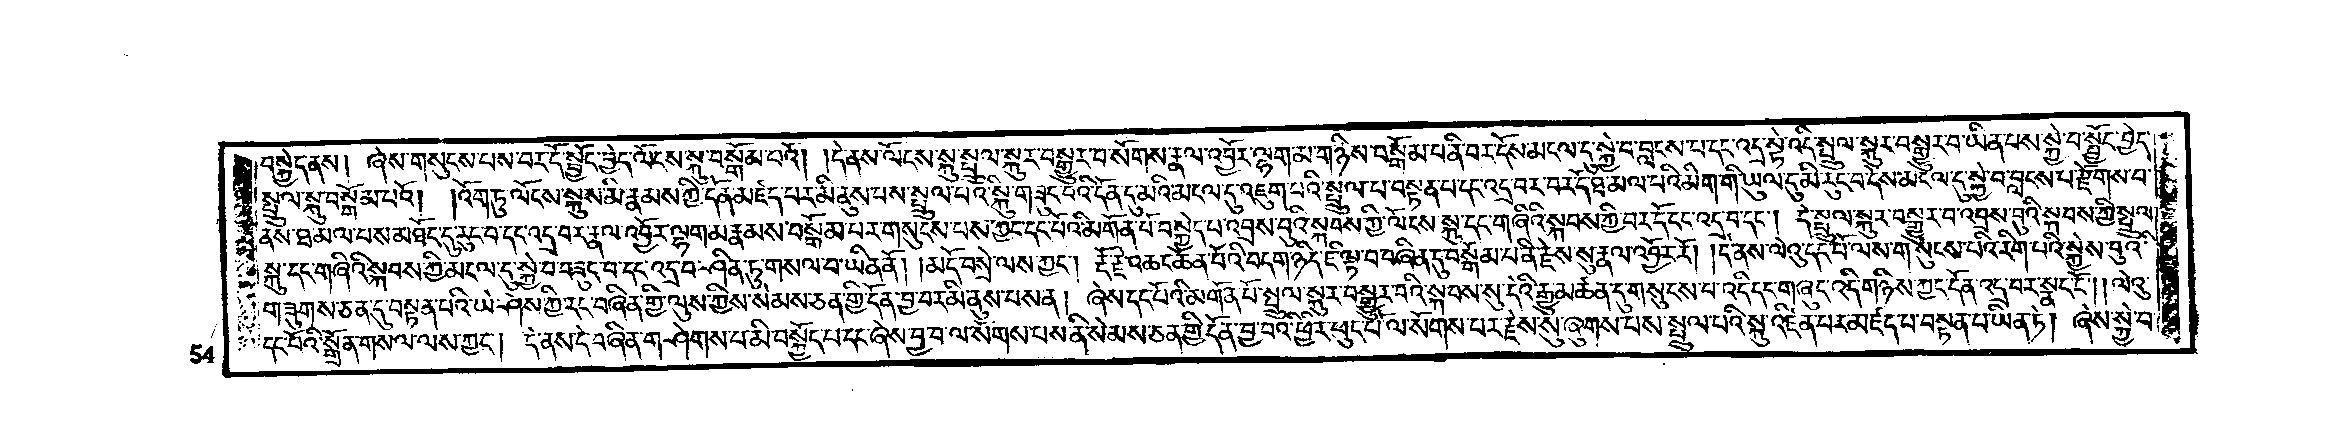བསྐྱེད་ནས། ཞེས་གསུངས་པས་བར་དོ་སྦྱོང་བྱེད་ལོངས་སྐུ་བསྒོམ་པའོ། །དེ་ནས་ལོངས་སྐུ་སྤྲུལ་སྐུར་བསྒྱུར་བ་སོགས་རྣལ་འབྱོར་ལྷག་མ་གཉིས་བསྒོམ་པ་ནི་བར་དོས་མངལ་དུ་སྐྱེ་བ་བླངས་པ་དང་འདྲ་སྟེ་འདི་སྤྲུལ་སྐུར་བསྒྱུར་བ་ཡིན་པས་སྐྱེ་བ་སྦྱོང་བྱེད་
སྤྲུལ་སྐུ་བསྒོམ་པའོ། །འོག་ཏུ་ལོངས་སྐུས་མི་རྣམས་ཀྱི་དོན་མཛད་པར་མི་ནུས་པས་སྤྲུལ་པའི་སྐུ་གཟུང་བའི་དོན་དུ་མའི་མངལ་དུ་འཇུག་པའི་སྤྲུལ་པ་བསྟན་པ་དང་འདྲ་བར་བར་དོ་ཐ་མལ་པའི་མིག་གི་ཡུལ་དུ་མི་རུང་བ་དེས་མངལ་དུ་སྐྱེ་བ་བླངས་པ་རྫོགས་པ་
ནས་ཐ་མལ་པས་མཐོང་དུ་རུང་བ་དང་འདྲ་བར་རྣལ་འབྱོར་ལྷག་མ་རྣམས་བསྒོམ་པར་གསུངས་པས་ཀྱང་དང་པོའི་མགོན་པོ་བསྐྱེད་པ་འབྲས་བུའི་སྐབས་ཀྱི་ལོངས་སྐུ་དང་གཞིའི་སྐབས་ཀྱི་བར་དོ་དང་འདྲ་བ་དང་། དེ་སྤྲུལ་སྐུར་བསྒྱུར་བ་འབྲས་བུའི་སྐབས་ཀྱི་སྤྲུལ་
སྐུ་དང་གཞིའི་སྐབས་ཀྱི་མངལ་དུ་སྐྱེ་བ་བཟུང་བ་དང་འདྲ་བ་ཤིན་ཏུ་གསལ་བ་ཡིན་ནོ། །མདོ་བསྲེ་ལས་ཀྱང་། རྡོ་རྗེ་འཆང་ཆེན་པོའི་བདག་ཉིད་ཇི་ལྟ་བ་བཞིན་དུ་བསྒོམ་པ་ནི་རྗེས་སུ་རྣལ་འབྱོར་རོ། །དེ་ནས་ལེའུ་དང་པོ་ལས་གསུངས་པའི་རིག་པའི་སྐྱེས་བུའི་
གཟུགས་ཅན་དུ་བསྟན་པའི་ཡེ་ཤེས་ཀྱི་རང་བཞིན་གྱི་ལུས་ཀྱིས་སེམས་ཅན་གྱི་དོན་བྱ་བར་མི་ནུས་པས་ན། ཞེས་དང་པོའི་མགོན་པོ་སྤྲུལ་སྐུར་བསྒྱུར་བའི་སྐབས་སུ་དེའི་རྒྱུ་མཚན་དུ་གསུངས་པ་འདི་དང་གཞུང་འདི་གཉིས་ཀྱང་དོན་འདྲ་བར་སྣང་ངོ། །ལེའུ་
དང་པོའི་སྒྲོན་གསལ་ལས་ཀྱང་། དེ་ནས་དེ་བཞིན་གཤེགས་པ་མི་བསྐྱོད་པ་དང་ཞེས་བྱ་བ་ལ་སོགས་པས་ནི་སེམས་ཅན་གྱི་དོན་བྱ་བའི་ཕྱིར་ཕུང་པོ་ལ་སོགས་པར་རྗེས་སུ་ཞུགས་པས་སྤྲུལ་པའི་སྐུ་འཛིན་པར་མཛད་པ་བསྟན་པ་ཡིན་ཏེ། ཞེས་སྐྱེ་བ་